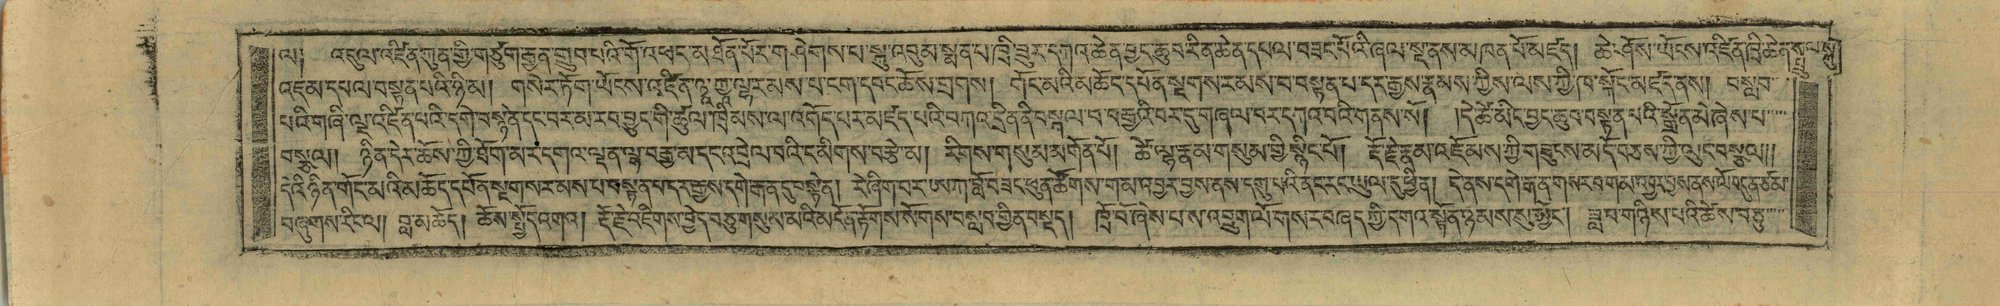ལ༑ འདུལ་འཛིན་ཀུན་གྱི་གཙུག་རྒྱན་གྲུབ་པའི་གོ་འཕང་མཐོན་པོར་གཤེགས་པ་སྐུ་འབུམ་སྨན་པ་ཁྲི་ཟུར་དཀའ་ཆེན་བྱང་ཆུབ་རིན་ཆེན་དཔལ་བཟང་པོའི་ཞལ་སྔ་ནས་མཁན་པོ་མཛད། ཆེ་ཤོས་ཡོངས་འཛིན་ཁྲི་ཆེན་སྤྲུལ་སྐུ་
འཇམ་དཔལ་བསྟན་པའི་ཉི་མ། གསེར་ཏོག་ཡོངས་འཛིན་ཉཱ་ཀྱཱ་ལྷ་རམས་པ་ངག་དབང་ཆོས་གྲགས། གོང་མའི་མཆོད་དཔོན་སྔགས་རམས་པ་བསྟན་པ་དར་རྒྱས་རྣམས་ཀྱིས་ལས་ཀྱི་ཁ་སྐོང་མཛད་ནས། བསླབ་
པའི་གཞི་ལྔ་འཛིན་པའི་དགེ་བསྙེན་དང་བར་མ་རབ་བྱུང་གི་ཚུལ་ཁྲིམས་ལ་འགོད་པར་མཛད་པའི་བཀའ་དྲིན་ནི་བསྐལ་བ་བརྒྱའི་བར་དུ་གཞལ་བར་དཀའ་བའི་གནས་སོ། །དེ་ཚེ་མིང་བྱང་ཆུབ་བསྟན་པའི་སྒྲོན་མེ་ཞེས་པ་
བསྩལ། ཉིན་དེར་ཆོས་ཀྱི་ཐོག་མར་དགའ་ལྡན་ལྷ་བརྒྱ་མ་དང་འབྲེལ་བའི་དམིགས་བརྩེ་མ། རིགས་གསུམ་མགོན་པོ། ཚེ་ལྷ་རྣམ་གསུམ་གྱི་སྙིང་པོ། རྡོ་རྗེ་རྣམ་འཇོམས་ཀྱི་གཟུངས་མདོ་བཅས་ཀྱི་ལུང་བསྩལ། །
དེའི་ཉིན་གོང་མའི་མཆོད་དཔོན་སྔགས་རམས་པ་བསྟན་པ་དར་རྒྱས་དགེ་རྒན་དུ་བསྟེན། རེ་ཞིག་བར་ཨ་ཀ་བློ་བཟང་ཕུན་ཚོགས་གམ་འབྱར་བྱས་ནས་དགུ་པའི་ནང་རང་ཡུལ་དུ་ཕྱིན། དེ་ནས་དགེ་རྒན་གསར་བ་གམ་འབྱར་བྱས་ནས་ལོ་བདུན་ཙམ་
བཞུགས་རིང་ལ། བླ་མཆོད། ཆོས་སྤྱོད་འགའ། རྡོ་རྗེ་འཇིགས་བྱེད་བཅུ་གསུམ་མའི་མངོན་རྟོགས་སོགས་བསླབ་བྱིན་བསྡད། ཁྲོ་བོ་ཞེས་པ་ས་འབྲུག་ལོ་གསར་བཞད་ཀྱི་དགའ་སྟོན་ཉམས་སུ་མྱོང་། ཟླ་བ་གཉིས་པའི་ཚེས་བཅུ་